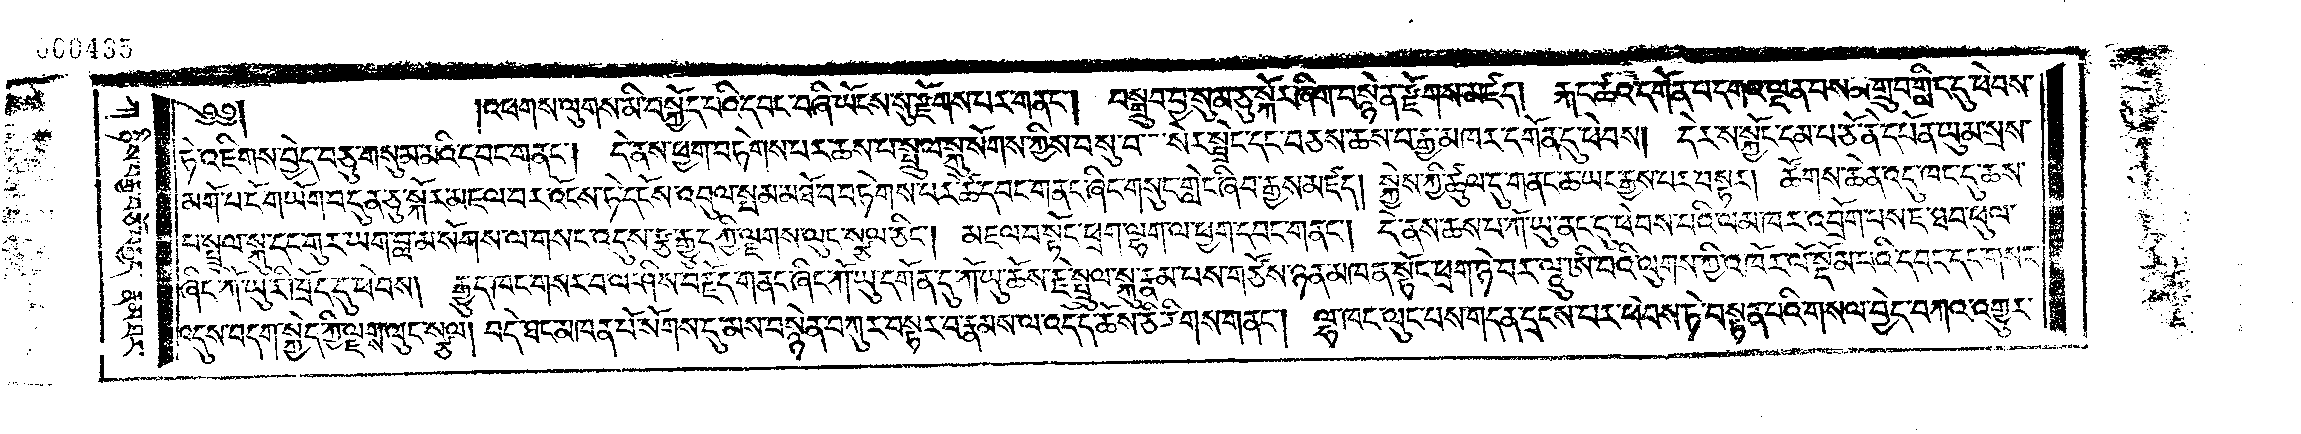༄༅། །འཕགས་ལུགས་མི་བསྐྱོད་པའི་དབང་བཞི་ཡོངས་སུ་རྫོགས་པར་གནང་། བསྒྲུབ་བྱ་སུམ་ཅུ་སྐོར་ཞིག་བསྙེན་རྫོགས་མཛད། རྐང་ཚའི་དགོན་པ་དགའ་ལྡན་བསམ་གྲུབ་གླིང་དུ་ཕེབས་
ཏེ་འཇིགས་བྱེད་བཅུ་གསུམ་མའི་དབང་གནང་། དེ་ནས་ཕྱག་བཏེགས་པར་ཆས་པ་སྤྲུལ་སྐུ་སོགས་ཀྱིས་བསུ་བར་སེར་སྦྲེང་དང་བཅས་ཆས་པ་རྒྱ་མཁར་དགོན་དུ་ཕེབས། དེར་ས་སྐྱོང་དམ་པ་ཅོ་ནེ་དཔོན་ཡུམ་སྲས་
མགོ་པ་ངོ་གཡོག་བདུན་ཅུ་སྐོར་མཇལ་བར་འོངས་ཏེ་དངོས་འབུལ་སྤམ་མཐོ་བ་བཏེགས་པར་ཚེ་དབང་གནང་ཞིང་གསུང་གླེང་ཞིབ་རྒྱས་མཛད། སྐྱེས་ཀྱི་ཚུལ་དུ་གནང་ཆ་ཡང་རྒྱས་པར་བསྟར། ཚོགས་ཆེན་འདུ་ཁང་དུ་ཆས་
པ་སྤྲུལ་སྐུ་དང་གུར་ཡག་བླ་མ་སོགས་ལ་གསང་འདུས་རྩ་རྒྱུད་ཀྱི་ལྗགས་ལུང་སྩལ་ཅིང་། མཇལ་བ་སྟོང་ཕྲག་ལྷག་ལ་ཕྱག་དབང་གནང་། དེ་ནས་ཆས་པ་ཀོ་ཡུ་ནང་དུ་ཕེབས་པའི་ལམ་ཁར་འབྲོག་པས་ཇ་ཐབ་ཕུལ་
ཞིང་ཀོ་ཡུ་རི་ཁྲོད་དུ་ཕེབས། རྒྱུད་ཁང་གསར་བ་ལ་ཤིས་བརྗོད་གནང་ཞིང་ཀོ་ཡུ་དགོན་དུ་ཀོ་ཡུ་ཆོས་རྗེ་སྤྲུལ་སྐུ་རྣམ་པས་གཙོས་ཉན་མཁན་སྟོང་ཕྲག་ཉེ་བར་ལཱུ་ཨི་བའི་ལུགས་ཀྱི་འཁོར་ལོ་སྡོམ་པའི་དབང་དང་གསང་
འདུས་བདག་སྐྱེད་ཀྱི་ལྗགས་ལུང་སྩལ། བདེ་ཐང་མཁན་པོ་སོགས་དུ་མས་བསྙེན་བཀུར་བསྟར་བ་རྣམས་ལ་འདོད་ཆོས་ཅི་རིགས་གནང་། ལྷ་ཁང་ལུང་པས་གདན་དྲངས་པར་ཕེབས་ཏེ་བསྟན་པའི་གསལ་བྱེད་བཀའ་འགྱུར་